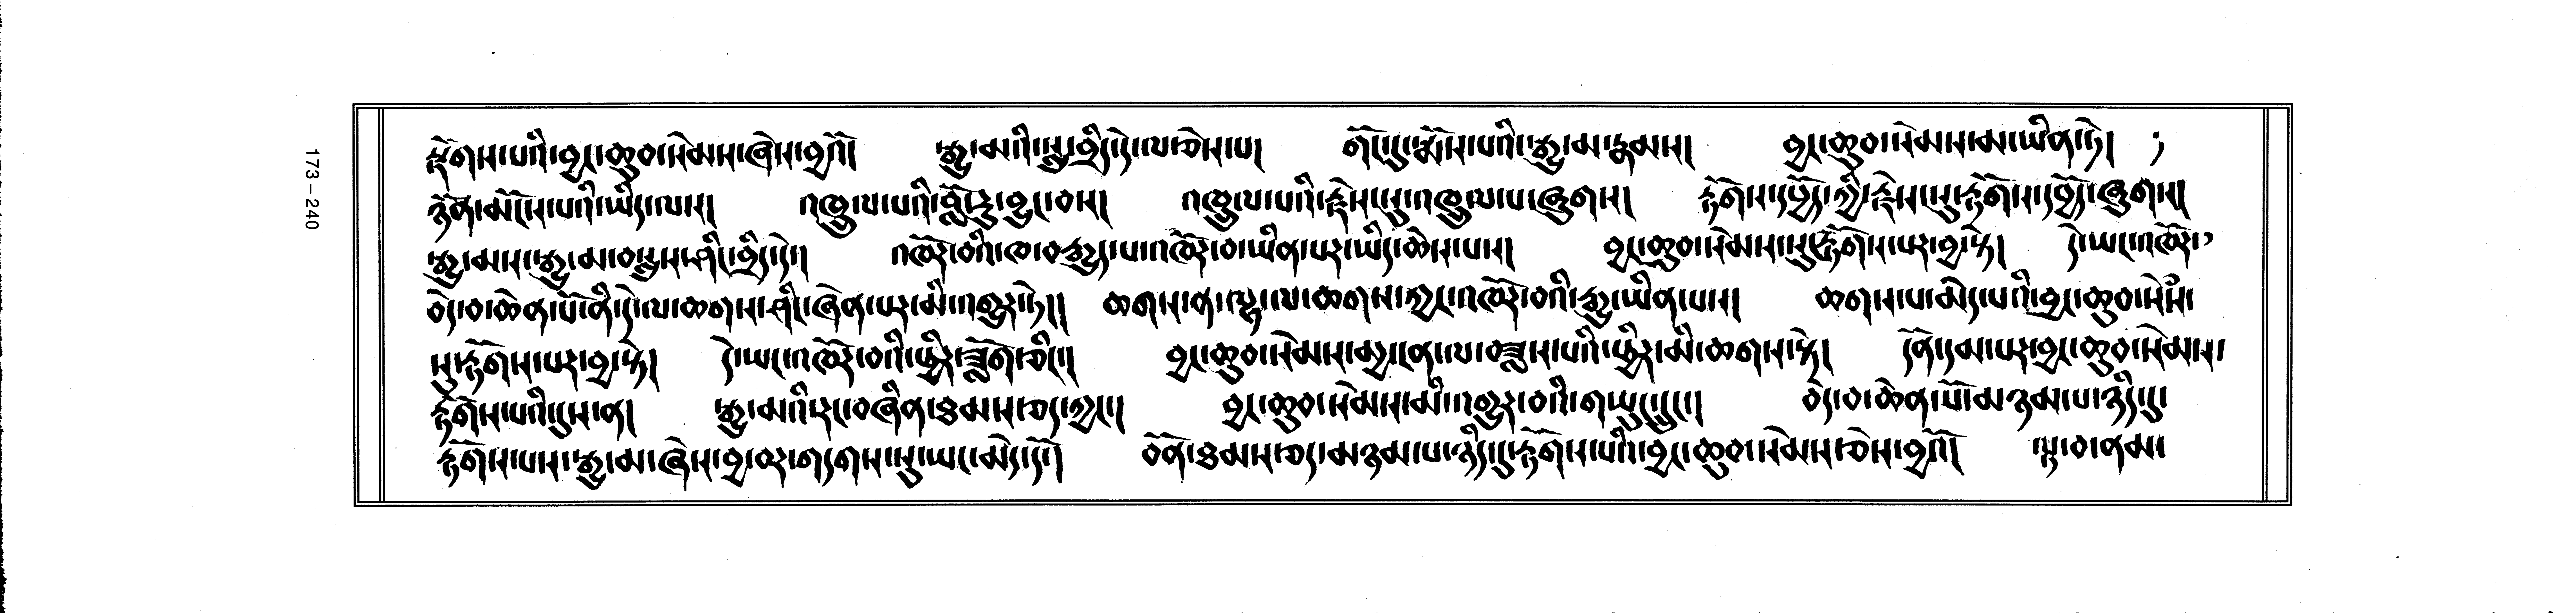རྫོགས་པའི་བྱང་ཆུབ་ཀྱི་སེམས་ཞེས་བྱའོ། །སྒྱུ་མའི་བསླུ་བྲིད་དེ་ལ་ཅེས་པ། གོང་དུ་སྨོས་པའི་སྒྱུ་མ་རྣམས། བྱང་ཆུབ་སེམས་མ་ཡིན་ཏེ། 
ཉོན་མོངས་པའི་ཡིད་ལས། འཁྲུལ་པའི་བློ་རུ་བྱུང་བས། འཁྲུལ་པའི་རྗེས་སུ་འཁྲུལ་པ་ཞུགས། རྟོག་དཔྱོད་ཀྱི་རྗེས་སུ་རྟོག་དཔྱོད་ཞུགས། 
སྒྱུ་མས་སྒྱུ་མ་བསླུས་ཤིང་བྲིད་དེ། འཁོར་བའི་ཁ་བརྒྱུད་པ་འཁོར་བ་ཡིན་པར་ཡིད་ཆེས་པས། བྱང་ཆུབ་སེམས་སུ་རྟོགས་པར་བྱ་སྟེ། དེ་ཡང་འཁོར་
བདེ་བ་ཆེན་པོ་ནི་དེ་ལ་ཆགས་ཤིང་ཞེན་པར་མི་འགྱུར་ཏེ། ཆགས་ན་ལྷ་ལ་ཆགས་ཀྱང་འཁོར་བའི་རྒྱུ་ཡིན་པས་ཆགས་པ་མེད་པའི་བྱང་ཆུབ་སེམས་
སུ་རྟོགས་པར་བྱ་སྟེ། དེ་ཡང་འཁོར་བའི་ཕྱིར་ཟློག་ཅིང་། བྱང་ཆུབ་ཀྱི་སེམས་མྱ་ངན་ལས་བཟླ་བའི་ཕྱིར་མི་ཆགས་ཏེ། དོན་དམ་པར་བྱང་ཆུབ་སེམས་
རྟོགས་པའི་དུས་ན། སྒྱུ་མའི་རང་བཞིན་ཐམས་ཅད་ཀྱང་། བྱང་ཆུབ་སེམས་མི་འགྱུར་བའི་གཡུང་དྲུང་། བདེ་བ་ཆེན་པོ་མཉམ་པ་ཉིད་དུ་
རྟོགས་པས་སྒྱུ་མ་ཞེས་བྱ་བར་གདགས་སུ་ཡང་མེད་དོ། །བོན་ཐམས་ཅད་མཉམ་པ་ཉིད་དུ་རྟོགས་པའི་བྱང་ཆུབ་སེམས་ཅེས་བྱའོ། །ལྟ་བ་ནམ་